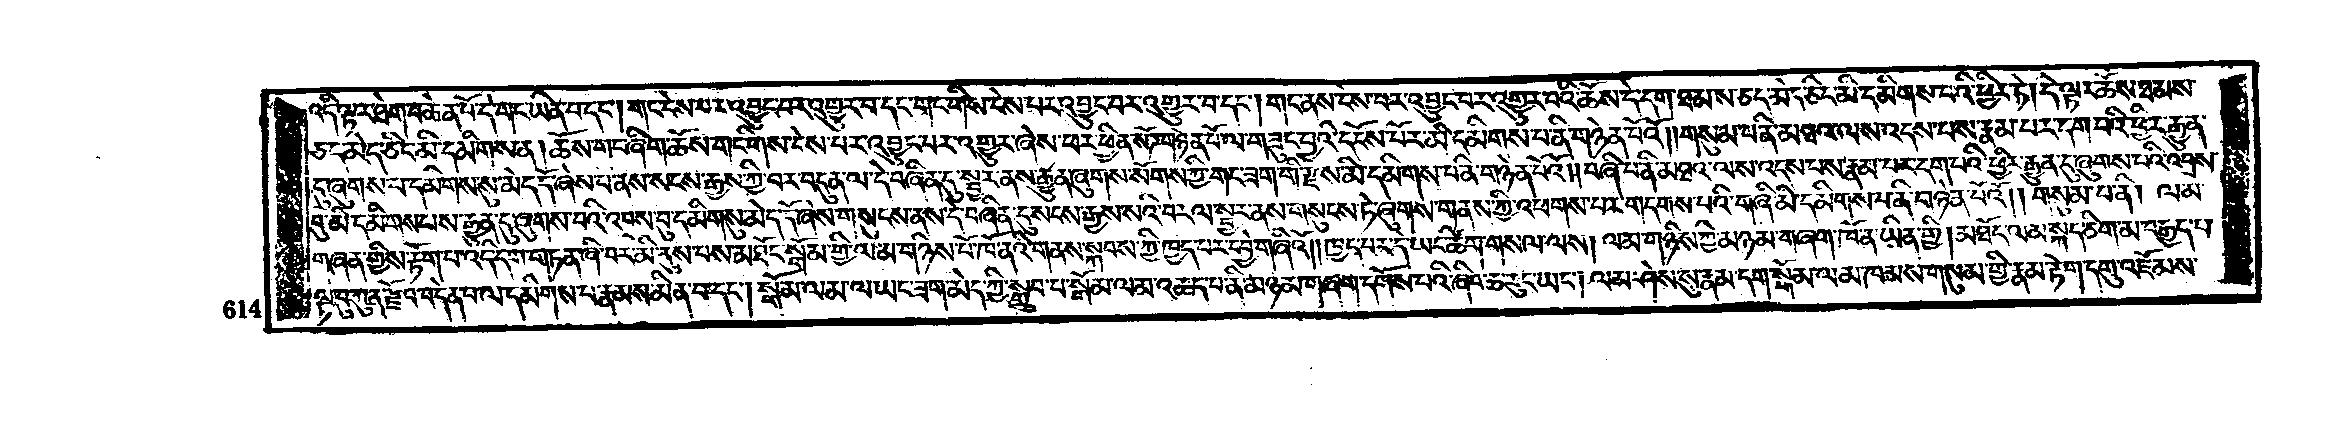འདི་ལྟར་ཐེག་པ་ཆེན་པོ་དེ་གང་ཡིན་པ་དང་། གང་ངེས་པར་འབྱུང་བར་འགྱུར་བ་དང་གང་གིས་ངེས་པར་འབྱུང་བར་འགྱུར་བ་དང་། གང་ནས་ངེས་པར་འབྱུང་བར་འགྱུར་བའི་ཆོས་དེ་དག་ཐམས་ཅད་མེད་ཅིང་མི་དམིགས་པའི་ཕྱིར་ཏེ། དེ་ལྟར་ཆོས་ཐམས་
ཅད་མེད་ཅིང་མི་དམིགས་ན། ཆོས་གང་ཞིག་ཆོས་གང་གིས་ངེས་པར་འབྱུང་བར་འགྱུར་ཞེས་ཕར་ཕྱིན་སོགས་གཉེན་པོ་ལ་གཟུང་བྱའི་དངོས་པོར་མི་དམིགས་པ་ནི་གཉེན་པོའོ། །གསུམ་པ་ནི་མཐའ་ལས་འདས་པས་རྣམ་པར་དག་པའི་ཕྱིར་རྒྱུན་
དུ་ཞུགས་པ་དམིགས་སུ་མེད་དོ་ཞེས་པ་ནས་སངས་རྒྱས་ཀྱི་བར་བདུན་ལ་དེ་བཞིན་དུ་སྦྱར་ནས་རྒྱུན་ཞུགས་སོགས་ཀྱི་གང་ཟག་གི་རྫས་མི་དམིགས་པ་ནི་གཉེན་པོའོ། །བཞི་པ་ནི་མཐའ་ལས་འདས་པས་རྣམ་པར་དག་པའི་ཕྱིར་རྒྱུན་དུ་ཞུགས་པའི་འབྲས་
བུ་མི་དམིགས་པས་རྒྱུན་དུ་ཞུགས་པའི་འབྲས་བུ་དམིགས་སུ་མེད་དོ་ཞེས་གསུངས་ནས་དེ་བཞིན་དུ་སངས་རྒྱས་སའི་བར་ལ་སྦྱར་ནས་གསུངས་ཏེ་ཞུགས་གནས་ཀྱི་འཕགས་པར་གདགས་པའི་གཞི་མི་དམིགས་པ་ནི་གཉེན་པོའོ། །གསུམ་པ་ནི། ལམ་
གཞན་གྱིས་རྟོག་པ་འདི་དག་གཏན་ཞི་བར་མི་ནུས་པས་མཐོང་སྒོམ་གྱི་ལམ་གཉིས་པོ་ཁོ་ནའི་གནས་སྐབས་ཀྱི་ཁྱད་པར་དབྱེ་གཞིའོ། །ཁྱད་པར་དེ་ཡང་ཚིག་གསལ་ལས། ལམ་གཉིས་ཀྱི་མཉམ་གཞག་ཁོ་ན་ཡིན་གྱི། མཐོང་ལམ་སྐད་ཅིག་མ་བརྒྱད་པ་
ལྟ་བུ་ཀུན་རྫོབ་བདེན་པ་ལ་དམིགས་པ་རྣམས་མིན་པ་དང་། སྒོམ་ལམ་ལ་ཡང་ཟག་མེད་ཀྱི་སྒྲུབ་པ་སྒོམ་ལམ་འཆད་པ་ནི་མཉམ་གཞག་དགོས་པའི་ཞིབ་ཆ་རུང་ཡང་། ལམ་ཤེས་སུ་རྣམ་དག་སྒོམ་ལམ་ཁམས་གསུམ་གྱི་རྣམ་རྟོག་དགུ་འཇོམས་